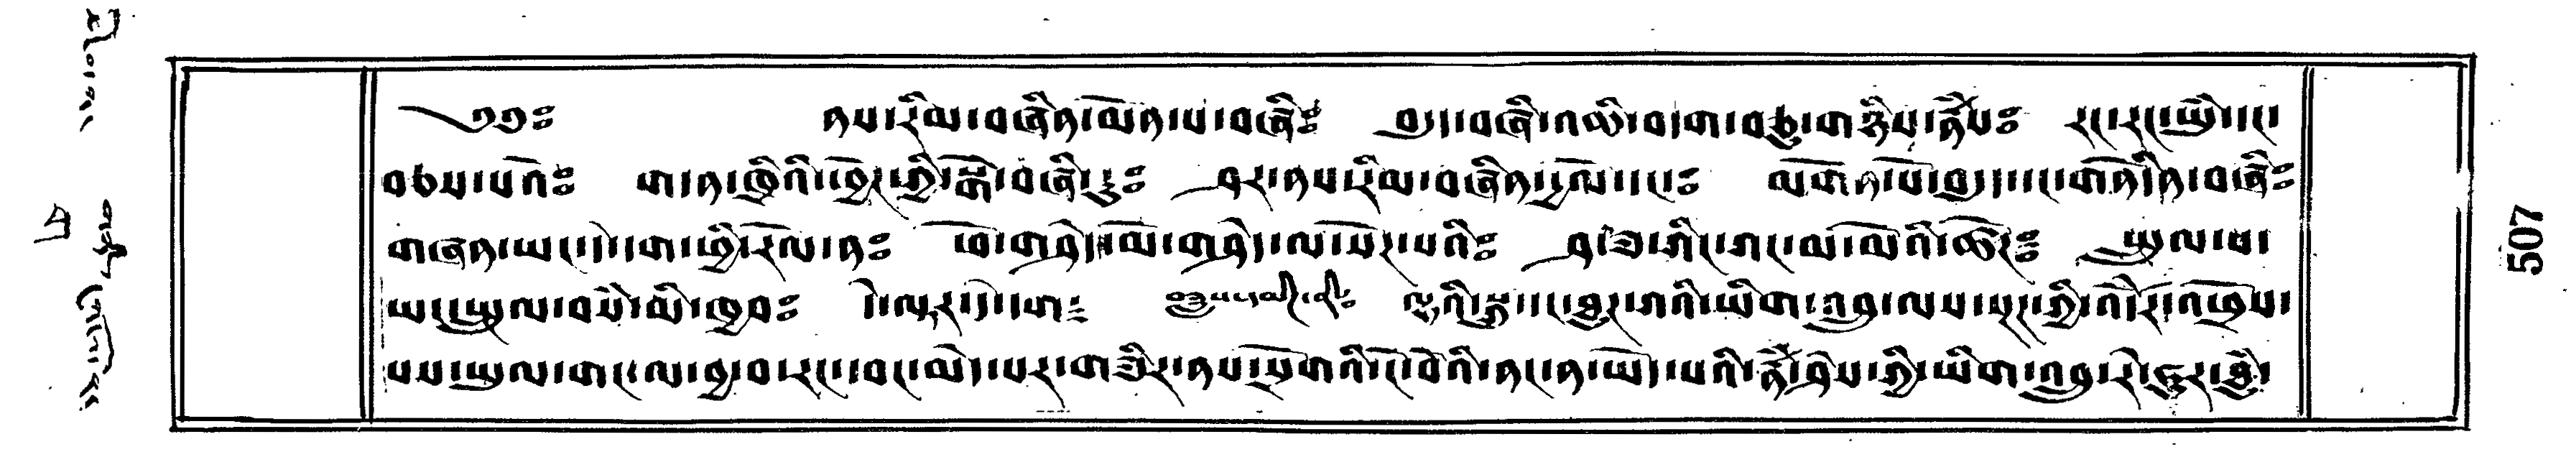ནས་རིམ་བཞིན་མོན་པ་བཞི༔ བདུད་བཞི་འཆི་བདག་བཅུ་གཉིས་རྣམས༔ རང་རང་ཡུམ་དང་
བཅས་པའོ༔ གདན་ཁྲིའི་ཕྱོགས་ཀྱི་སྒོ་བཞི་རུ༔ ཤར་ནས་རིམ་བཞིན་རྒྱལ་པོ་དང༔ མགོན་པོ་བདུད་དང་གནོད་སྦྱིན་བཞི༔ 
གཞན་ཡང་དེ་དག་ཕྱི་རོལ་ན༔ ཕོ་གཤེད་མོ་གཤེད་ལ་སོགས་པའི༔ ཤ་ཟ་ཀིང་ཀང་མ་མོའི་ཚོགས༔ སྤྲུལ་པ་
ཡང་སྤྲུལ་བསམ་མི་ཁྱབ༔ དེ་ལྟར་དེ་དག༴ བཟླས་དམིགས་ནི༔ ལྷའི་སྐུ་དང་ཐུགས་ཀའི་ཡིག་འབྲུ་ལས་སྔགས་ཀྱི་འོད་ཟེར་འཕྲོས་
པས་ཡུལ་གང་ལ་བྱ་བ་རང་དབང་མེད་པར་གཟིར་ནས་སྲོག་གི་ངོ་བོའི་ནང་ན་ཡོད་པའི་རྣམ་ཤེས་ཀྱི་ཡིག་འབྲུ་རེ་ཧུར་ཐུམ་